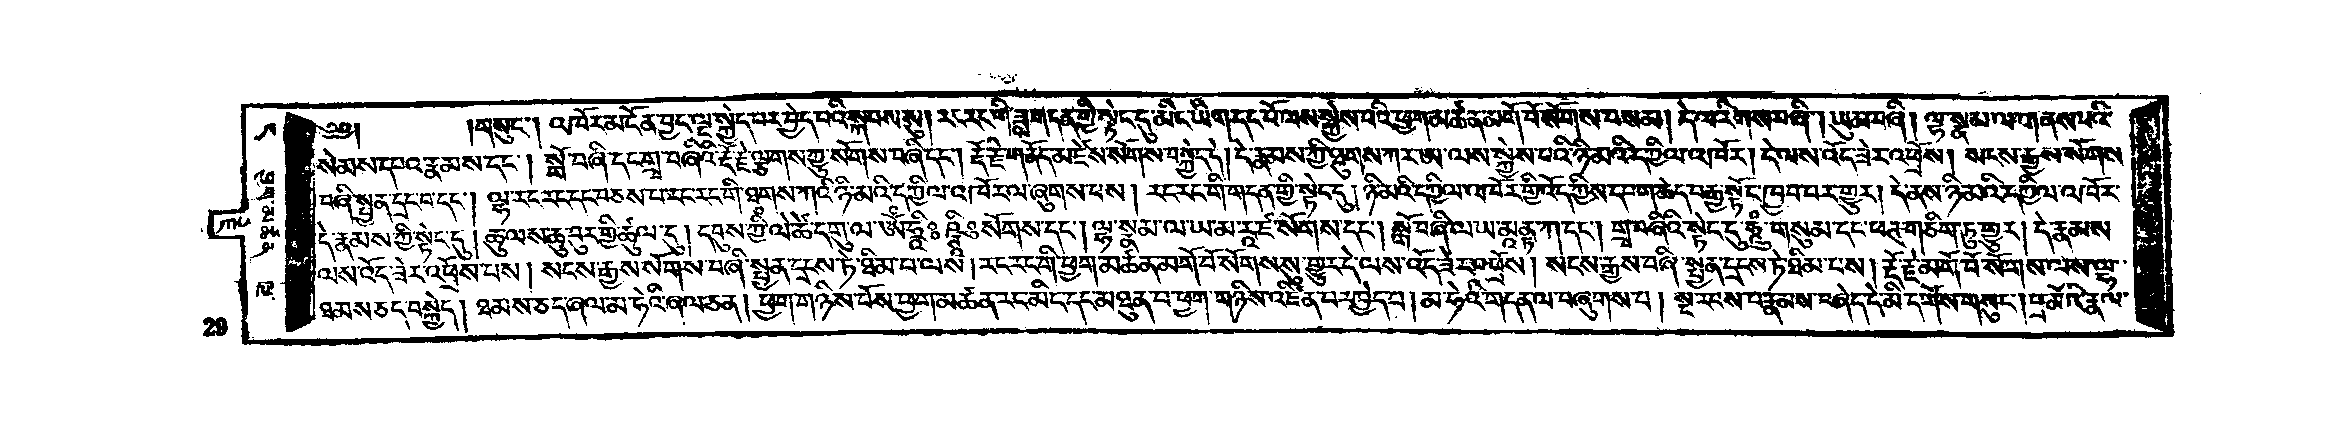༄༅། །གསུང་། འཁོར་མངོན་བྱང་ལྔ་སྐྱེད་པར་བྱེད་པའི་སྐབས་སུ། རང་རང་གི་ཟླ་གདན་གྱི་སྟེང་དུ་མིང་ཡིག་དང་པོ་ལས་སྐྱེས་པའི་ཕྱག་མཚན་མགོ་བོ་སོགས་བསམ། དེ་ལ་རིགས་བཞི། ཡུམ་བཞི། ལྷ་སྣམ་ལ་གནས་པའི་
སེམས་དཔའ་རྣམས་དང་། སྒོ་བཞི་དང་གྲྭ་བཞིའི་རྡོ་རྗེ་ལྕགས་ཀྱུ་སོགས་བཞི་དང་། རྡོ་རྗེ་གནོད་མཛེས་སོགས་བསྐྱེད་དེ། དེ་རྣམས་ཀྱི་ཐུགས་ཀར་ཨ་ལས་སྐྱེས་པའི་ཉི་མའི་དཀྱིལ་འཁོར། དེ་ལས་འོད་ཟེར་འཕྲོས། སངས་རྒྱས་སོགས་
བཞི་སྤྱན་དྲང་བ་དང་། ལྷ་རང་རང་དང་བཅས་པ་རང་རང་གི་ཐུགས་ཀའི་ཉི་མའི་དཀྱིལ་འཁོར་ལ་ཞུགས་པས། རང་རང་གི་གདན་གྱི་སྟེང་དུ། ཉི་མའི་དཀྱིལ་འཁོར་གྱི་འོད་ཀྱིས་དཔག་ཚད་བརྒྱ་སྟོང་ཁྱབ་པར་གྱུར། དེ་ནས་ཉི་མའི་དཀྱིལ་འཁོར་
དེ་རྣམས་ཀྱི་སྟེང་དུ། ཆུ་ལས་ཆུ་བུར་གྱི་ཚུལ་དུ། དབུས་ཀྱི་ལེ་ཚེ་དགུ་ལ་ཨོཾ་ཧྲཱིཿ ཥྚཱིཿ སོགས་དང་། ལྷ་སྣམ་ལ་ཡ་མ་རཱ་ཛ་སོགས་དང་། སྒོ་བཞི་ལ་ཡ་མཱནྟ་ཀ་དང་། གྲྭ་བཞིའི་སྟེང་དུ་ཧཱུཾ་གསུམ་དང་ཕཊ་གཅིག་ཏུ་གྱུར། དེ་རྣམས་
ལས་འོད་ཟེར་འཕྲོས་པས། སངས་རྒྱས་སོགས་བཞི་སྤྱན་དྲངས་ཏེ་ཐིམ་པ་ལས། རང་རང་གི་ཕྱག་མཚན་མགོ་བོ་སོགས་སུ་གྱུར་དེ་ལས་འོད་ཟེར་འཕྲོས། སངས་རྒྱས་བཞི་སྤྱན་དྲངས་ཏེ་ཐིམ་པས། རྡོ་རྗེ་མགོ་བོ་སོགས་ལས་ལྷ་
ཐམས་ཅད་བསྐྱེད། ཐམས་ཅད་ཞལ་མ་ཧེའི་ཞལ་ཅན། ཕྱག་གཉིས་པོས་ཕྱག་མཚན་རང་མིང་དང་མཐུན་པ་ཕྱག་གཉིས་འཛིན་པར་བྱེད་པ། མ་ཧེའི་གདན་ལ་བཞུགས་པ། སྔ་རབས་པ་རྣམས་བཞེད་དེ་མི་དགོས་གསུང་། ཕྲ་མོའི་རྣལ་